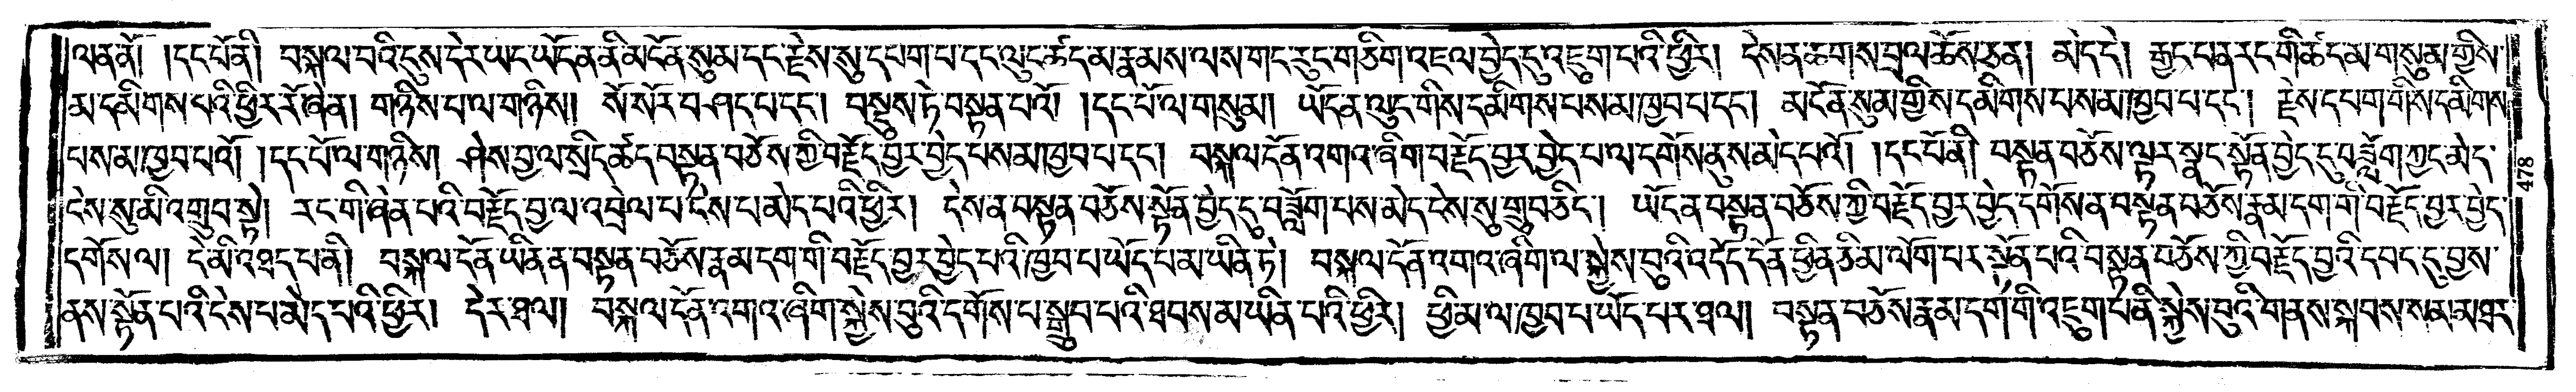ལན་ནོ། །དང་པོ་ནི། བསྐལ་པའི་དུས་དེར་ཡང་ཡོད་ན་ནི་མངོན་སུམ་དང་རྗེས་སུ་དཔག་པ་དང་ལུང་ཚད་མ་རྣམས་ལས་གང་རུང་གཅིག་འཇལ་བྱེད་དུ་འཇུག་པའི་ཕྱིར། དེས་ན་ཆགས་བྲལ་ཆོས་ཅན། མེད་དེ། རྒྱང་པན་རང་གི་ཚད་མ་གསུམ་གྱིས་
མ་དམིགས་པའི་ཕྱིར་རོ་ཞེ་ན། གཉིས་པ་ལ་གཉིས། སོ་སོར་བཤད་པ་དང་། བསྡུས་ཏེ་བསྟན་པའོ། །དང་པོ་ལ་གསུམ། ཡོད་ན་ལུང་གིས་དམིགས་པས་མ་ཁྱབ་པ་དང་། མངོན་སུམ་གྱིས་དམིགས་པས་མ་ཁྱབ་པ་དང་། རྗེས་དཔག་གིས་དམིགས་
པས་མ་ཁྱབ་པའོ། །དང་པོ་ལ་གཉིས། ཤེས་བྱ་ལ་སྲིད་ཚད་བསྟན་བཅོས་ཀྱི་བརྗོད་བྱར་བྱེད་པས་མ་ཁྱབ་པ་དང་། བསྐལ་དོན་འགའ་ཞིག་བརྗོད་བྱར་བྱེད་པ་ལ་དགོས་ནུས་མེད་པའོ། །དང་པོ་ནི། བསྟན་བཅོས་ལྟར་སྣང་སྟོན་བྱེད་དུ་བཟློག་ཀྱང་མེད་
ངེས་སུ་མི་འགྲུབ་སྟེ། རང་གི་ཞེན་པའི་བརྗོད་བྱ་ལ་འབྲེལ་པ་ངེས་པ་མེད་པའི་ཕྱིར། དེས་ན་བསྟན་བཅོས་སྟོན་བྱེད་དུ་བཟློག་པས་མེད་ངེས་སུ་གྲུབ་ཅིང་། ཡོད་ན་བསྟན་བཅོས་ཀྱི་བརྗོད་བྱར་བྱེད་དགོས་ན་བསྟན་བཅོས་རྣམ་དག་གི་བརྗོད་བྱར་བྱེད་
དགོས་ལ། དེ་མི་འཐད་པ་ནི། བསྐལ་དོན་ཡིན་ན་བསྟན་བཅོས་རྣམ་དག་གི་བརྗོད་བྱར་བྱེད་པའི་ཁྱབ་པ་ཡོད་པ་མ་ཡིན་ཏེ། བསྐལ་དོན་འགའ་ཞིག་ལ་སྐྱེས་བུའི་འདོད་དོན་ཕྱིན་ཅི་མ་ལོག་པར་སྟོན་པའི་བསྟན་བཅོས་ཀྱི་བརྗོད་བྱའི་དབང་དུ་བྱས་
ནས་སྟོན་པའི་ངེས་པ་མེད་པའི་ཕྱིར། དེར་ཐལ། བསྐལ་དོན་འགའ་ཞིག་སྐྱེས་བུའི་དགོས་པ་སྒྲུབ་པའི་ཐབས་མ་ཡིན་པའི་ཕྱིར། ཕྱི་མ་ལ་ཁྱབ་པ་ཡོད་པར་ཐལ། བསྟན་བཅོས་རྣམ་དག་གི་འཇུག་པ་ནི་སྐྱེས་བུའི་གནས་སྐབས་སམ་མཐར་